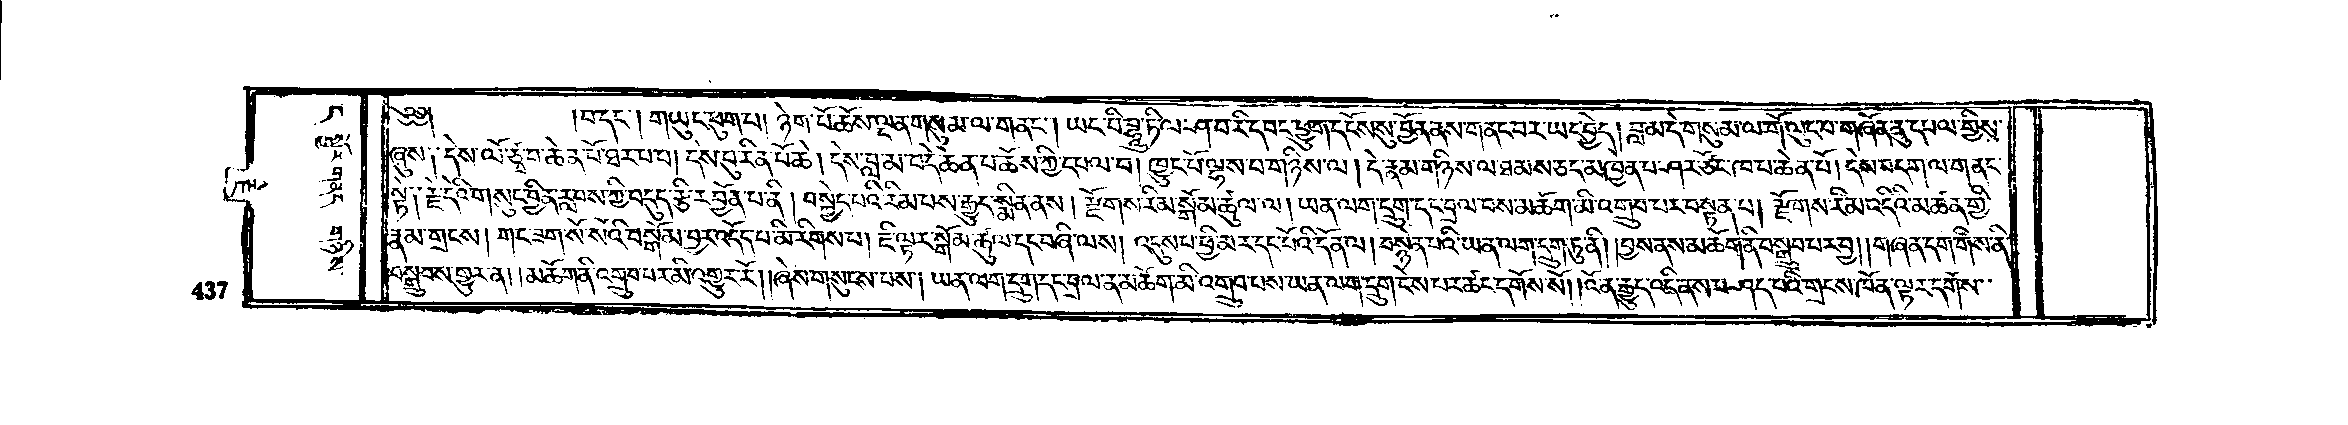༄༅། །པ་དང་། གཡུང་ཕུག་པ། ཉེག་པོ་ཆོས་ལྡན་གསུམ་ལ་གནང་། ཡང་བི་བྷཱུ་ཏི་ལ་ཤ་བ་རི་དབང་ཕྱུག་དངོས་སུ་བྱོན་ནས་གནང་བར་ཡང་བྱེད། བླ་མ་དེ་གསུམ་ལ་གོ་ལུང་པ་གཞོན་ནུ་དཔལ་གྱིས་
ཞུས། དེས་ལོ་ཙྭ་བ་ཆེན་པོ་ཐར་པ་བ། དེས་བུ་རིན་པོ་ཆེ། དེས་བླ་མ་བདེ་ཆེན་པ་ཆོས་ཀྱི་དཔལ་བ། ཁྱུང་པོ་ལྷས་པ་གཉིས་ལ། དེ་རྣམ་གཉིས་ལ་ཐམས་ཅད་མཁྱེན་པ་ཤར་ཙོང་ཁ་པ་ཆེན་པོ། དེས་བདག་ལ་གནང་
སྟེ། རྗེ་དེའི་གསུང་བྱིན་རླབས་ཀྱི་བདུད་རྩིར་བྱོན་པ་ནི། བསྐྱེད་པའི་རིམ་པས་རྒྱུད་སྨིན་ནས། རྫོགས་རིམ་སྒོམ་ཚུལ་ལ། ཡན་ལག་དྲུག་དང་བྲལ་བས་མཆོག་མི་འགྲུབ་པར་བསྟན་པ། རྫོགས་རིམ་འདིའི་མཚན་གྱི་
རྣམ་གྲངས། གང་ཟག་སོ་སོའི་བསྒོམ་བྱར་འདོད་པ་མི་རིགས་པ། ཇི་ལྟར་སྒོམ་ཚུལ་དང་བཞི་ལས། འདུས་པ་ཕྱི་མར་དང་པོའི་དོན་ལ། བསྙེན་པའི་ཡན་ལག་དྲུག་ཏུ་ནི། །བྱས་ནས་མཆོག་ནི་བསྒྲུབ་པར་བྱ། །གཞན་དག་གིས་ནི་
བསྒྲུབས་གྱུར་ན། །མཆོག་ནི་འགྲུབ་པར་མི་འགྱུར་རོ། །ཞེས་གསུངས་པས། ཡན་ལག་དྲུག་དང་བྲལ་ན་མཆོག་མི་འགྲུབ་པས་ཡན་ལག་དྲུག་ངེས་པར་ཚང་དགོས་སོ། །འོ་ན་རྒྱུད་འདི་ནས་བཤད་པའི་གྲངས་ཁོ་ན་ལྟར་དགོས་